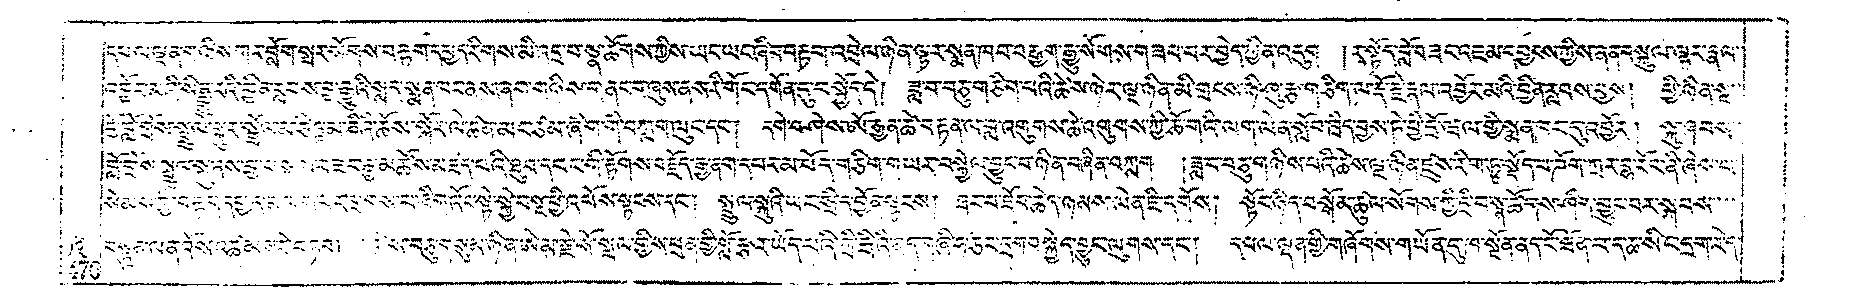དཔལ་ལྡན་གཉིས་ཀར་གློག་སྤར་སོགས་བརྟག་དཔྱད་རིགས་མི་འདྲ་བ་སྣ་ཚོགས་ཀྱིས་ཡང་ཡང་ཞིབ་བརྟག་འབྲེལ་ཉིན་ལྟར་སྨན་ཁབ་བརྒྱག་རྒྱུ་སོགས་གཟབ་པར་བྱེད་ཀྱིན་འདུག །རྭ་སྟོད་བློ་བཟང་འཇམ་དབྱངས་ཀྱིས་ནན་བསྐུལ་ལྟར་རྣལ་
འབྱོར་མའི་སིནྡྷུ་རའི་བྱིན་རླབས་བྱ་རྒྱུའི་སླད་སྨན་ཁང་ནས་ཞག་གཉིས་གནང་བ་ཞུས་ནས་རི་གོང་དགོན་དུ་བསྐྱོད་དེ། ཟླ་བ་བཅུ་གཅིག་པའི་ཚེས་ཉེར་ལྔ་ཉིན་མི་གྲངས་ཉི་ཤུ་རྩ་གཅིག་ལ་རྡོ་རྗེ་རྣལ་འབྱོར་མའི་བྱིན་རླབས་བྱས། ཕྱི་ཉིན་སྔ་
དྲོ་བློ་གྲོས་སྤྲུལ་སྐུར་སྒྲོལ་མ་ཙིཏྟ་མ་ཎིའི་ཆོས་སྐོར་ལེ་ཚན་མང་ཙམ་ཞིག་གི་བཀླག་ལུང་དང་། དགེ་བཤེས་ཨོ་རྒྱན་ཚེ་བརྟན་ལ་བླ་འགུགས་ཚེ་འགུགས་ཀྱི་ཆོ་གའི་ལག་ལེན་སློབ་ཁྲིད་བྱས་ཏེ་ཕྱི་དྲོ་ཝལ་གྱི་སྨན་ཁང་དུ་འབྱོར། སྐུ་ཞབས་
བློ་གྲོས་སྤྲུལ་སྐུ་ནས་བྱ་པ་སྐལ་བཟང་རྒྱ་མཚོས་མཛད་པའི་ཐུབ་དབང་གི་རྟོགས་བརྗོད་རྒྱ་ནག་དཔར་མ་པོད་གཅིག་གཡར་བསྐྱེལ་བྱུང་བ་ཉིན་བཞིན་བཀླག །ཟླ་བ་བཅུ་གཉིས་པའི་ཚེས་ལྔ་ཉིན་ཛུས་རིག་ཏུ་སྡོད་པ་ཌོག་ཀྲར་བྷ་རོང་ནི་ཞེས་པ་
སེམས་ཀྱི་བརྟག་དཔྱད་མཁས་པར་གྲགས་པ་ཞིག་འོང་སྟེ་སྐྱེ་བ་སྔ་ཕྱི་འཕོས་སྟངས་དང་། སྤྲུལ་སྐུའི་ཡང་སྲིད་བྱོན་སྟངས། ཐར་པ་ཐོབ་ཆེད་ཉམས་ལེན་ཇི་དགོས། སྟོང་ཉིད་བསྒོམ་ཚུལ་སོགས་ཀྱི་དྲི་བ་སྣ་ཚོགས་ཤིག་བྱུང་བར་སྐབས་
བསྟུན་ལན་འོས་འཚམས་རེ་བཏབ། ཚེས་བཅུ་གསུམ་ཉིན་ཨེམ་རྗེ་སོ་སྤལ་གྱིས་ཕྲན་གྱི་གློ་རྩར་ཡོད་པའི་ཀྲི་རྦིའི་ནད་གཞི་ཧ་ཅང་དྲག་བསྐྱེད་བྱུང་ལུགས་དང་། དཔལ་ལྡན་གྱི་གཞོགས་གཡོན་དུ་ཁ་སྔོན་ནད་ངོ་ཐོན་པ་ད་ཆ་སིང་དྲག་རེད་